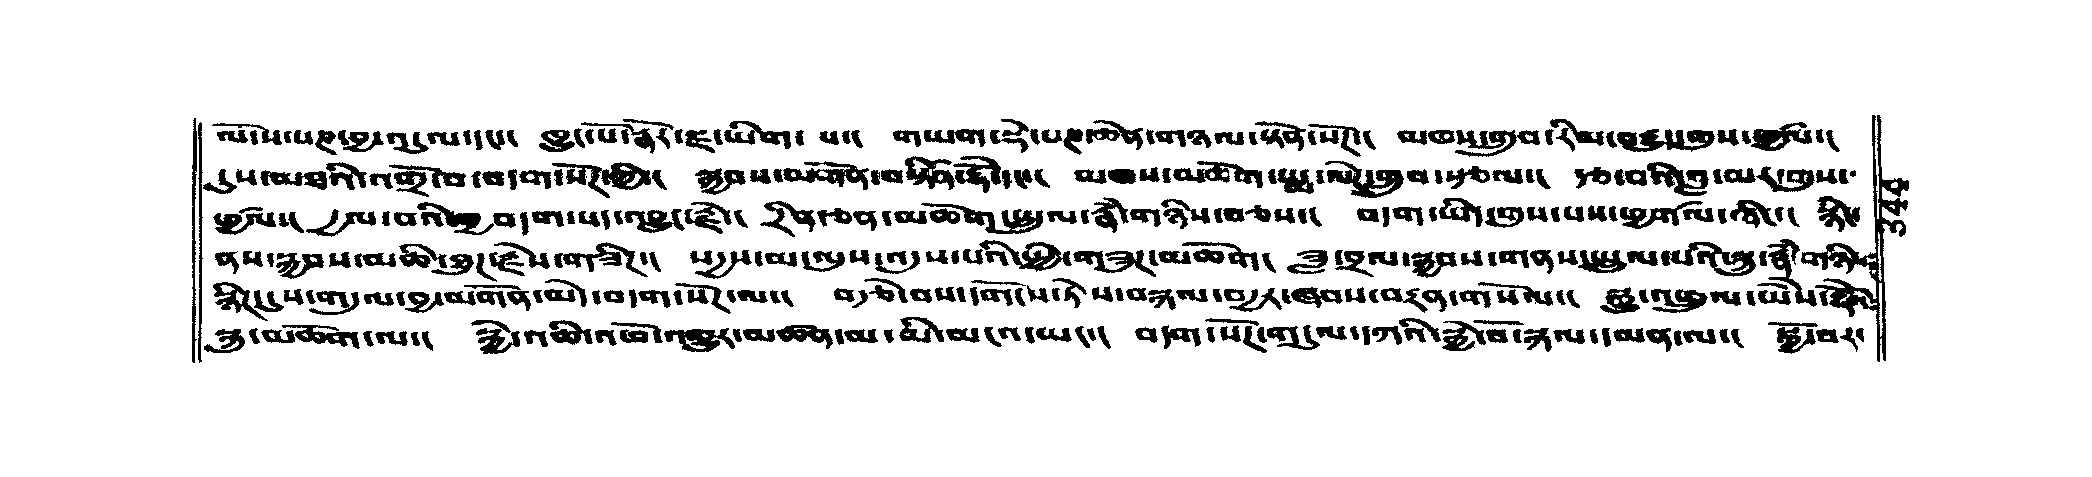ལོ་ས་པཎ་བྱ་འདུལ་དང་། །ཁྱུང་པོ་རྣལ་འབྱོར་རྫ་ཡིག་པ། །གཡག་སྡེ་པཎ་ཆེན་གཉལ་སྟོན་སོགས། །མཁས་གྲུབ་རིམ་བརྒྱུད་གུས་ཕྱག་འཚལ། །
དུས་མཐའི་འགྲོ་བ་བདག་སོགས་ཀྱི། །སྐྱབས་མགོན་བསྟན་འཛིན་རྡོ་རྗེ་དང་། །མཁས་མཆོག་པདྨ་ལེགས་གྲུབ་རྩལ། །རྩ་བའི་བླ་མར་གུས་
ཕྱག་འཚལ། །རྒྱལ་བའི་ཁྱབ་བདག་པད་འབྱུང་རྗེ། །དྲིན་ཅན་མཆོག་སྤྲུལ་རྣམ་གཉིས་བཅས། །བདག་ཡིད་གུས་པ་ཕྱག་འཚལ་ཞིང་། །སྙིང་
ནས་སྐྱབས་མཆི་ཐུགས་རྗེས་གཟིགས། །སངས་རྒྱས་མ་ལུས་འདུས་པའི་སྤྱི་གཟུགས་མཆོག།ཟླ་བྲལ་སྐྱབས་གནས་སྤྲུལ་པའི་སྐུ་རྣམ་གཉིས། །
སྙིགས་དུས་གདུལ་བྱ་མགོན་མེད་བདག་སོགས་ལ། །བརྩེ་བས་དགོངས་ཏེ་བསྐལ་བརྒྱར་ཞབས་བརྟན་གསོལ། །སྒྱུ་འཕྲུལ་ཡེ་ཤེས་རྡོ་རྗེའི་
སྐུ་མཆོག་ལ། །སྐྱེ་འཆི་འཕོ་འགྱུར་མཚན་མ་མི་མངའ་ཡང་། །བདག་སོགས་གདུལ་དཀའི་སྐྱེ་བོ་སྐལ་དམན་ལ། །སྐྱོ་བར་